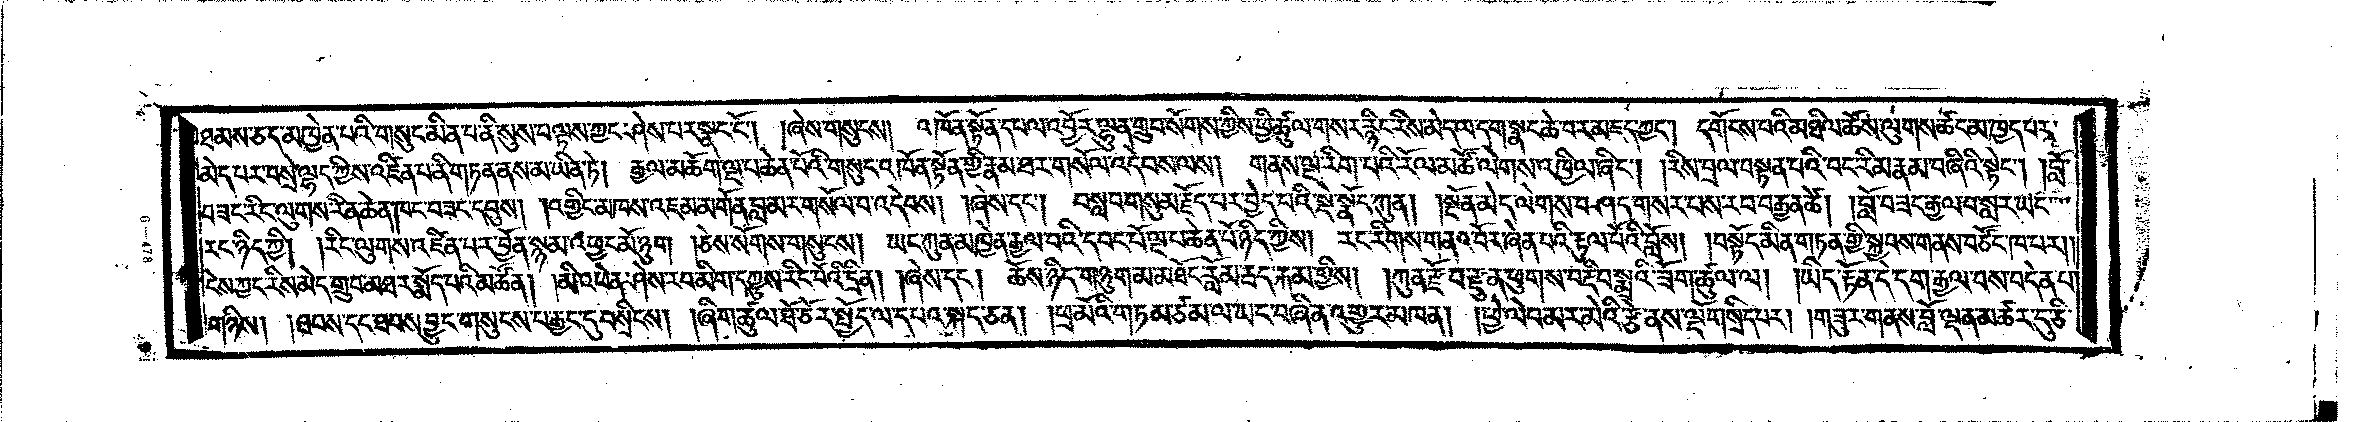ཐམས་ཅད་མཁྱེན་པའི་གསུང་མིན་པ་ནི་སུས་བལྟས་ཀྱང་ཤེས་པར་སྣང་ངོ། །ཞེས་གསུངས། འཁོན་སྟོན་དཔལ་འབྱོར་ལྷུན་གྲུབ་སོགས་ཀྱིས་ཕྱི་ཚུལ་གསར་རྙིང་རིས་མེད་ལ་དག་སྣང་ཆེ་བར་མཛད་ཀྱང་། དགོངས་བའི་མཐིལ་ཆོས་ལུགས་ཚེང་མཁྱད་པར་
མེད་པར་བསྲེ་ལྷད་ཀྱིས་འཛིན་པ་ནི་གཏན་ནས་མ་ཡིན་ཏེ། རྒྱལ་མཆོག་ལྔ་པ་ཆེན་པོའི་གསུང་འཁོན་སྟོན་གྱི་རྣམ་ཐར་གསོལ་འདེབས་ལས། གནས་ལྔ་རིག་པའི་རོལ་མཚོ་ལེགས་འཁྱིལ་ཞིང་། །རིས་བྲལ་བསྟན་པའི་བར་རིན་རྣམ་བཞིའི་སྟེང་། །བློ་
བཟང་རིང་ལུགས་རིན་ཆེན་ཁང་བཟང་དབུས། །འགྱིང་མཁས་འཇམ་མགོན་བླ་མར་གསོལ་བ་འདེབས། །ཞེས་དང་། བསླབ་གསུམ་རྗོད་པར་བྱེད་པའི་སྡེ་སྣོད་ཀུན། །སྔོན་མེད་ལེགས་བཤད་གསར་པས་རབ་བརྒྱན་ཚེ། །བློ་བཟང་རྒྱལ་བ་སླར་ཡོང་
རང་ཉིད་ཀྱི། །རིང་ལུགས་འཛིན་པར་བྱོན་སྙམ་འཕྱང་མོ་ཉུག །ཅེས་སོགས་གསུངས། ཡང་ཀུན་མཁྱེན་རྒྱལ་བའི་དབང་པོ་ལྔ་པ་ཆེན་པོ་ཉིད་ཀྱིས། རང་རིགས་གནའ་བོར་ཞེན་པའི་རྟུལ་པོའི་བློས། །བསྟོད་མིན་གཏན་གྱི་སྐྱབས་གནས་བཙོང་ཁ་པར། །
ངེས་ཀྱང་རིས་མེད་གྲུབ་མཐར་སྨོད་པའི་མཚོན། །མི་འཕེན་ཤེས་རབ་མིག་དཀྱུས་རིང་པོའི་དྲིན། །ཞེས་དང་། ཆོས་ཉིད་གཉུག་མ་མཐོང་རློམ་རྦད་རྐམ་གྱིས། །ཀུན་རྫོབ་རྫུན་ཕུགས་བརྡིབ་སྨྲའི་ཟོག་ཚུལ་ལ། །ཡིད་རྟོན་དེ་དག་རྒྱལ་བས་བདེན་པ་
གཉིས། །ཐབས་དང་ཐབས་བྱུང་གསུངས་པ་རྒྱང་དུ་བསྲིངས། །ཞིག་ཚུལ་ཐོ་ཅོར་སྤྱོད་ལ་དཔའ་སྐད་ཅན། །ཕྲ་མོའི་གཏམ་ཙམ་ལ་ཡང་བཞིན་འགྱུར་མཁན། །ཕྱེ་ལེབ་མར་མེའི་རྩེ་ནས་ལྡོག་སྲིད་པར། །གཟུར་གནས་བློ་ལྡན་མཚར་དུ་ཅི་